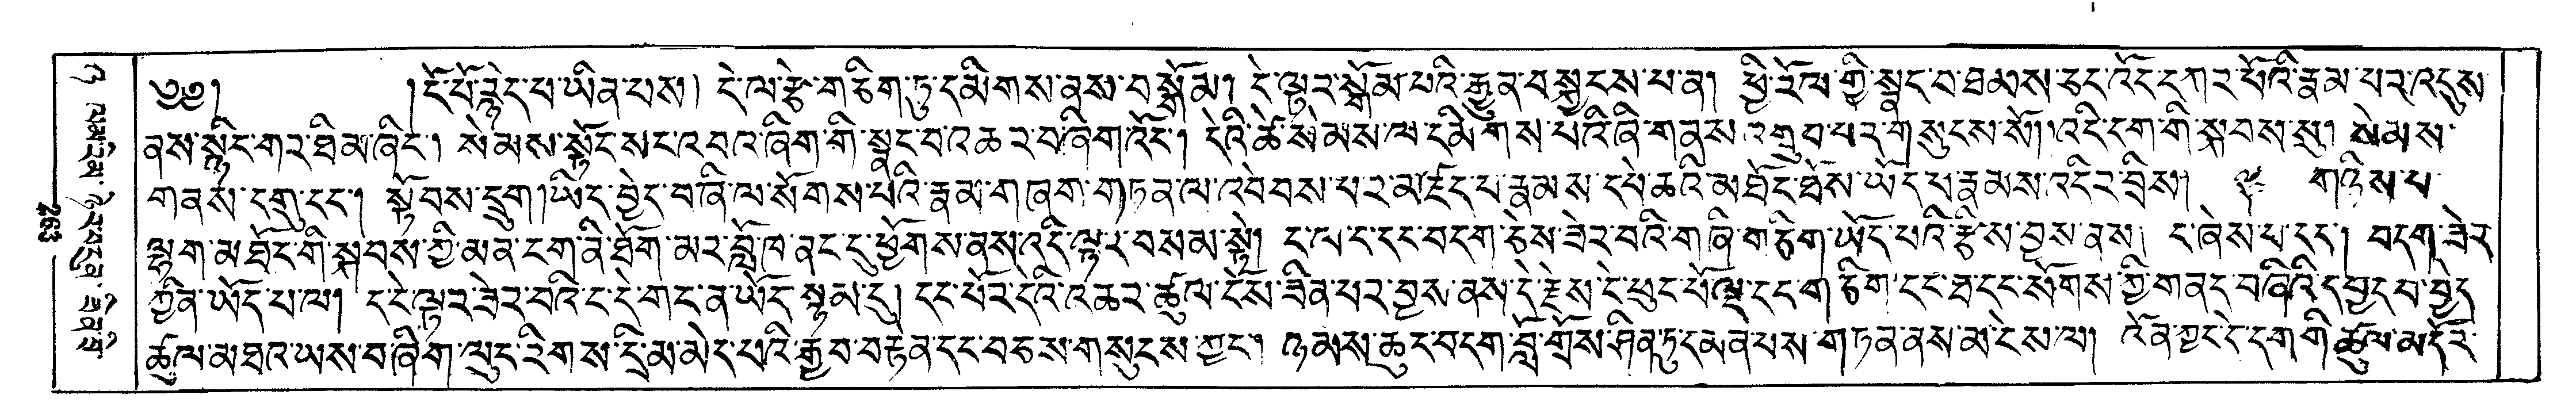༄༅། །ངོ་བོ་རྙེད་པ་ཡིན་པས། དེ་ལ་རྩེ་གཅིག་ཏུ་དམིགས་ནས་བསྒོམ། དེ་ལྟར་སྒོམ་པའི་རྒྱུན་བསྐྱངས་པ་ན། ཕྱི་རོལ་གྱི་སྣང་བ་ཐམས་ཅད་འོད་དཀར་པོའི་རྣམ་པར་འདུས་
ནས་སྙིང་གར་ཐིམ་ཞིང་། སེམས་སྟོང་སང་འབའ་ཞིག་གི་སྣང་བ་འཆར་བ་ཞིག་འོང་། དེའི་ཚེ་སེམས་ལ་དམིགས་པའི་ཞི་གནས་འགྲུབ་པར་གསུངས་སོ། །འདི་དག་གི་སྐབས་སུ། སེམས་
གནས་དགུ་དང་། སྟོབས་དྲུག །ཡིད་བྱེད་བཞི་ལ་སོགས་པའི་རྣམ་གཞག་གཏན་ལ་འབེབས་པར་མཛད་པ་རྣམས་དཔེ་ཆའི་མཐོང་ཐོས་ཡོད་པ་རྣམས་འདིར་བྲིས། ༈ གཉིས་པ་
ལྷག་མཐོང་གི་སྐབས་ཀྱི་མན་ངག་ནི་ཐོག་མར་བློ་ཁ་ནང་དུ་ཕྱོགས་ནས་འདི་ལྟར་བསམ་སྟེ། ང་ལ་ང་དང་བདག་ཅེས་ཟེར་བའི་གཞི་གཅིག་ཡོད་པའི་རྩིས་བྱས་ནས། ང་ཞེས་པ་དང་། བདག་ཟེར་
ཀྱིན་ཡོད་པ་ལ། ད་དེ་ལྟར་ཟེར་བའི་ང་དེ་གང་ན་ཡོད་སྙམ་དུ། དང་པོར་དེའི་འཆར་ཚུལ་ངོས་ཟིན་པར་བྱས་ནས་དེ་རྗེས་དེ་ཕུང་པོ་ལྔ་དང་གཅིག་དང་ཐ་དང་སོགས་ཀྱི་གནད་བཞིའི་དཔྱད་པ་བྱེད་
ཚུལ་མཐའ་ཡས་པ་ཞིག་ལུང་རིགས་དྲི་མ་མེད་པའི་རྒྱབ་བརྟེན་དང་བཅས་གསུངས་ཀྱང་། ཉམས་ཆུང་བདག་བློ་གྲོས་ཤིན་ཏུ་དམན་པས་གཏན་ནས་མ་ངེས་ལ། འོན་ཀྱང་དེ་དག་གི་ཚུལ་མདོར་